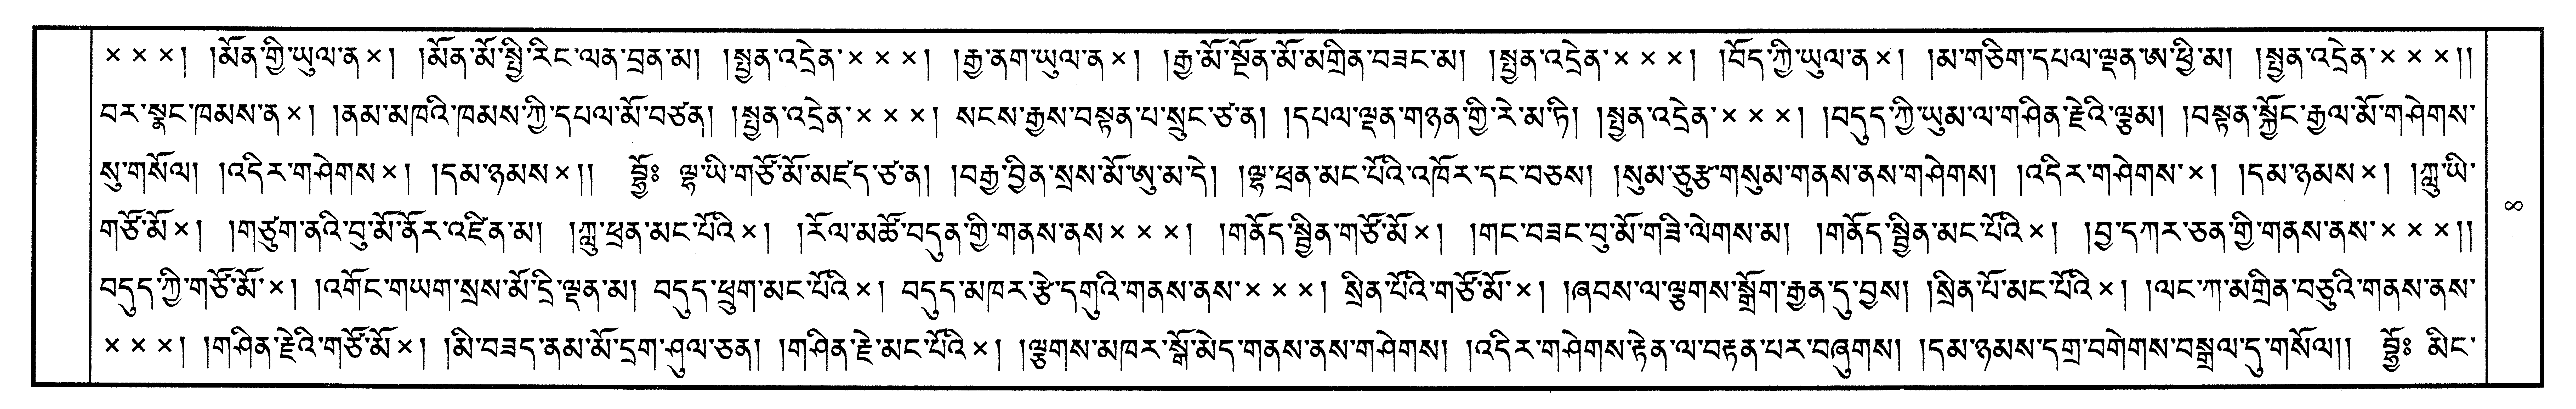྾་྾་྾། །མོན་གྱི་ཡུལ་ན་྾། །མོན་མོ་སྤྱི་རིང་ལན་བྲན་མ། །སྤྱན་འདྲེན་྾྾྾། །རྒྱ་ནག་ཡུལ་ན་྾། །རྒྱ་མོ་སྔོན་མོ་མགྲིན་བཟང་མ། །སྤྱན་འདྲེན་྾྾྾། །བོད་ཀྱི་ཡུལ་ཅན་྾། །མ་གཅིག་དཔལ་ལྡན་ཨ་ཕྱི་མ། །སྤྱན་འདྲེན་྾྾྾།།
བར་སྣང་ཁམས་ན་྾། །ནམ་མཁའི་ཁམས་ཀྱི་དཔལ་མོ་བཙན། །སྤྱན་འདྲེན་྾྾྾། །སངས་རྒྱས་བསྟན་པ་སྲུང་ཙ་ན། །དཔལ་ལྡན་གཉན་གྱི་རེ་མ་ཏི། །སྤྱན་འདྲེན་྾་྾་྾། །བདུད་ཀྱི་ཡུམ་ལ་གཤིན་རྗེའི་ལྕམ། །བསྟན་སྐྱོང་རྒྱལ་མོ་གཤེགས་
སུ་གསོལ། །འདིར་གཤེགས་྾། །དམ་ཉམས་྾།། བྷྱོཿ ལྷ་ཡི་གཙོ་མོ་མཛད་ཙ་ན། །བརྒྱ་བྱིན་སྲས་མོ་ཨུ་མ་དེ། །ལྷ་ཕྲན་མང་པོའི་འཁོར་དང་བཅས། །སུམ་ཅུ་རྩ་གསུམ་གནས་ནས་གཤེགས། །འདིར་གཤེགས་྾། །དམ་ཉམས་྾། །ཀླུ་ཡི་
གཙོ་མོ་྾། །གཙུག་ནའི་བུ་མོ་ནོར་འཛིན་མ། །ཀླུ་ཕྲན་མང་པོའི་྾། །རོལ་མཚོ་བདུན་གྱི་གནས་ནས་྾་྾་྾། །གནོད་སྦྱིན་གཙོ་མོ་྾། །གང་བཟང་བུ་མོ་གཟི་ལེགས་མ། །གནོད་སྦྱིན་མང་པོའི་྾། །བྱ་དཀར་ཅན་གྱི་གནས་ནས་྾་྾་྾།།
བདུད་ཀྱི་གཙོ་མོ་྾། །འགོང་གཡག་སྲས་མོ་དྲི་ལྡན་མ། བདུད་ཕྲུག་མང་པོའི་྾། བདུད་མཁར་རྩེ་དགུའི་གནས་ནས་྾་྾་྾། སྲིན་པོའི་གཙོ་མོ་྾། །ཞབས་ལ་ལྕགས་སྒྲོག་རྒྱན་དུ་བྱས། །སྲིན་པོ་མང་པོའི་྾། །ལང་ཀ་མགྲིན་བཅུའི་གནས་ནས་
྾་྾་྾། །གཤིན་རྗེའི་གཙོ་མོ་྾། །མི་བཟད་ནམ་མོ་དྲག་ཤུལ་ཅན། །གཤིན་རྗེ་མང་པོའི་྾། །ལྕགས་མཁར་སྒོ་མེད་གནས་ནས་གཤེགས། །འདིར་གཤེགས་རྟེན་ལ་བརྟན་པར་བཞུགས། །དམ་ཉམས་དགྲ་བགེགས་བསྒྲལ་དུ་གསོལ།། བྷྱོཿ མིང་